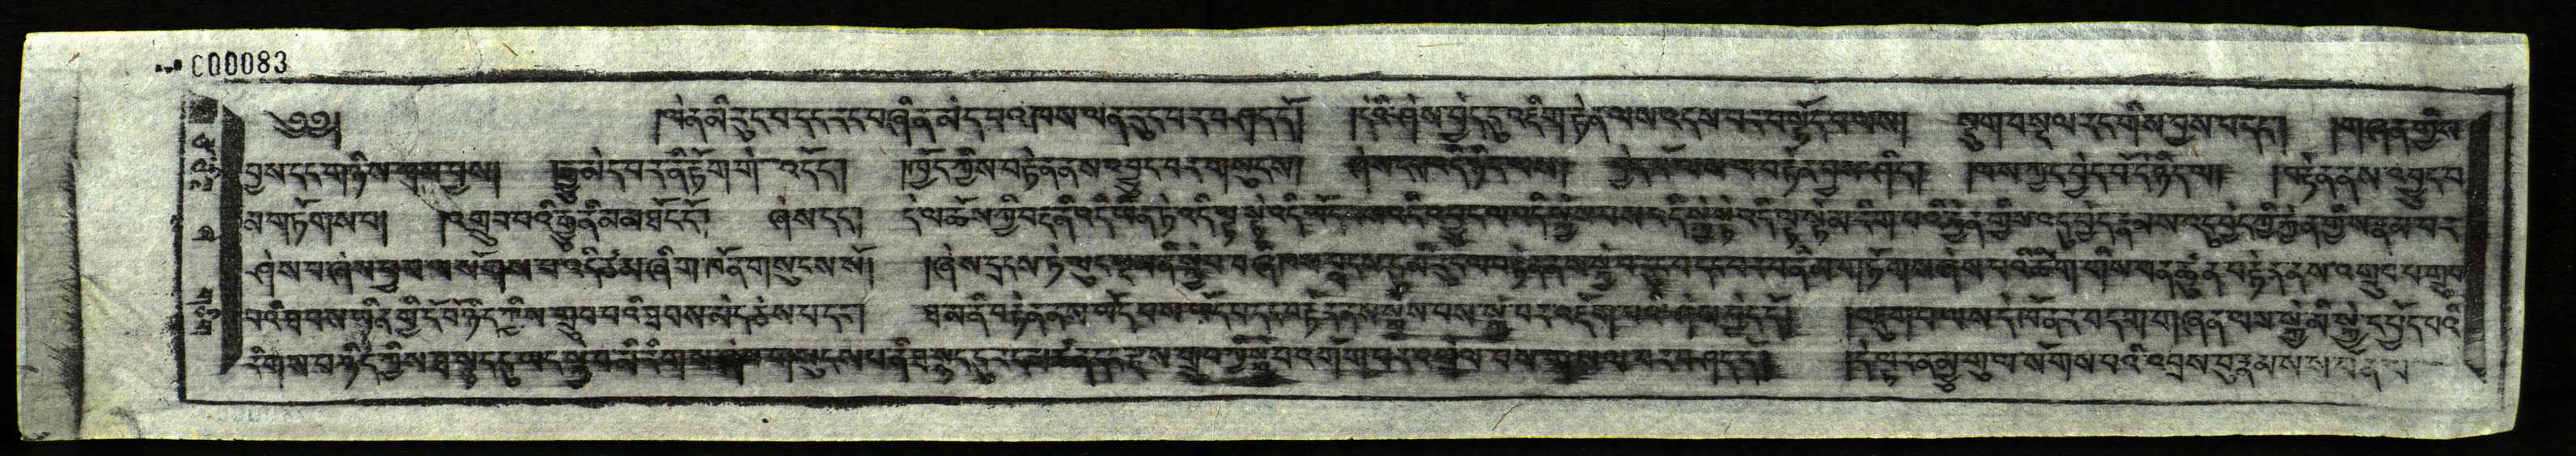༄༅། །ལེན་མི་རུང་བ་དང་རང་བཞིན་མེད་པའི་ཁས་ལེན་རུང་བར་བཤད་དོ། །དེའི་ཤེས་བྱེད་དུ་འཇིག་རྟེན་ལས་འདས་པར་བསྟོད་པ་ལས། སྡུག་བསྔལ་རང་གིས་བྱས་པ་དང་། །གཞན་གྱིས་
བྱས་དང་གཉིས་ཀས་བྱས། །རྒྱུ་མེད་པར་ནི་རྟོག་གེ་འདོད། །ཁྱོད་ཀྱིས་བརྟེན་ནས་འབྱུང་བར་གསུངས། ཤེས་རབ་འདི་ཉིད་ལས། བྱེད་པོ་ལས་ལ་བརྟེན་བྱས་ཤིང་། །ལས་ཀྱང་བྱེད་པོ་དེ་ཉིད་ལ། །བརྟེན་ནས་འབྱུང་བ་
མ་གཏོགས་པ། །འགྲུབ་པའི་རྒྱུ་ནི་མ་མཐོང་ངོ། ཞེས་དང་། དེ་ལ་ཆོས་ཀྱི་བརྡ་ནི་འདི་ཡིན་ཏེ་འདི་ལྟ་སྟེ་འདི་ཡོད་པས་འདི་འབྱུང་ལ་འདི་སྐྱེས་པས་འདི་སྐྱེ་སྟེ་འདི་ལྟ་སྟེ་མ་རིག་པའི་རྐྱེན་གྱིས་འདུ་བྱེད་རྣམས་འདུ་བྱེད་ཀྱི་རྐྱེན་གྱིས་རྣམ་པར་
ཤེས་པ་ཞེས་བྱ་བ་ལ་སོགས་པ་འདི་ཙམ་ཞིག་ཁོ་ན་གསུངས་སོ། །ཞེས་དྲངས་ཏེ་ལུང་སྔ་མ་ནི་སྐྱེ་བ་བཞི་ཁས་བླངས་དུ་མི་རུང་ལ་བརྟེན་ནས་སྐྱེ་བ་རུང་བ་དང་བར་བ་ནི་མ་གཏོགས་ཞེས་པའི་ཚིག་གིས་ཕན་ཚུན་བརྟེན་ནས་འགྲུབ་པ་གྲུབ་
པའི་ཐབས་ཡིན་གྱི་ངོ་བོ་ཉིད་ཀྱིས་གྲུབ་པའི་ཐབས་མེད་ཅེས་པ་དང་། ཐ་མ་ནི་བརྟེན་ནས་ཡོད་པས་ཡོད་པ་དང་བརྟོན་ནས་སྐྱེས་པས་སྐྱེ་བར་འཇོག་པ་ཡི་ཤེས་བྱེད་དོ། །འཇུག་པ་ལས་དེ་ཁོ་ནར་བདག་གཞན་ལས་སྐྱེ་མི་སྐྱེ་དཔྱོད་པའི་
རིགས་པ་ཉིད་ཀྱིས་ཐ་སྙད་དུ་ཡང་སྐྱེ་བ་མི་རིགས་ཞེས་གསུངས་པ་ནི་ཐ་སྙད་དུ་རང་མཚན་དང་རྫས་གྲུབ་ཀྱི་སྐྱོ་བ་འགོག་བར་འཕྱོལ་བས་གྲུབ་ལ་བར་བཤད་དོ། །དེ་ལྟར་ན་མྱུ་གུ་ལ་སོགས་པའི་འབྲས་བུ་རྣམས་ས་བོན་ལ་